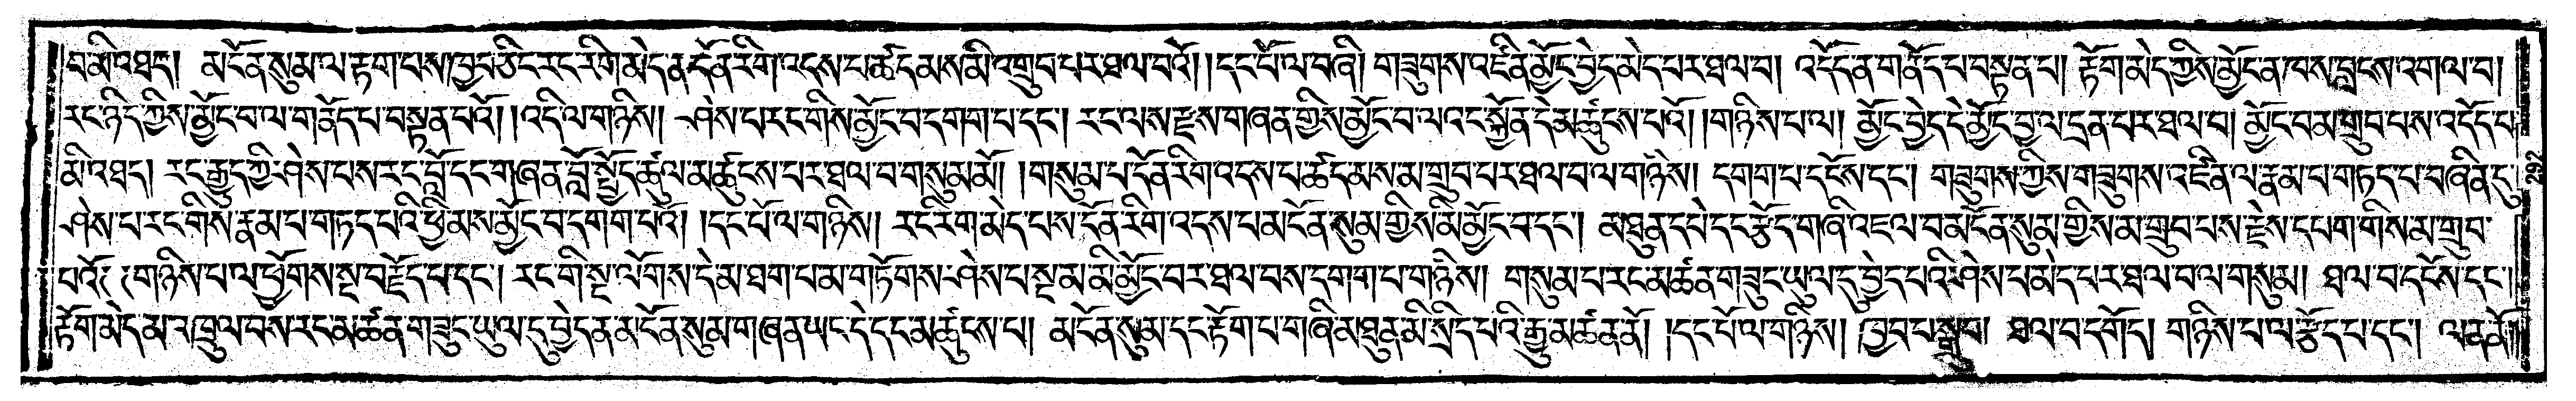པ་མི་འཐད། མངོན་སུམ་ལ་རྟག་པས་ཁྱབ་ཅིང་རང་རིག་མེད་ན་དོན་རིག་འདས་པ་ཚད་མས་མི་འགྲུབ་པར་ཐལ་བའོ། །དང་པོ་ལ་བཞི། གཟུགས་འཛིན་མྱོང་བྱེད་མེད་པར་ཐལ་བ། འདོད་ན་གནོད་པ་བསྟན་པ། རྟོག་མེད་ཀྱིས་མྱོང་ན་ཁས་བླངས་འགལ་བ།
རང་ཉིད་ཀྱིས་མྱོང་བ་ལ་གནོད་པ་བསྟན་པའོ། །འདི་ལ་གཉིས། ཤེས་པ་རང་གིས་མྱོང་བ་དགག་པ་དང་། རང་ལས་རྫས་གཞན་གྱིས་མྱོང་བ་ལའང་སྐྱོན་དེ་མཚུངས་པའོ། །གཉིས་པ་ལ། མྱོང་བྱེད་དེ་མྱོང་བྱ་ལ་དྲན་པར་ཐལ་བ། མྱོང་བ་མ་གྲུབ་པས་འདོད་པ་
མི་འཐད། རང་རྒྱུད་ཀྱི་ཤེས་པས་རང་བློ་དང་གཞན་བློ་སྤྱོད་ཚུལ་མཚུངས་པར་ཐལ་བ་གསུམ་མོ། །གསུམ་པ་དོན་རིག་འདས་པ་ཚད་མས་མ་གྲུབ་པར་ཐལ་བ་ལ་གཉིས། དགག་པ་དངོས་དང་། གཟུགས་ཀྱིས་གཟུགས་འཛིན་ལ་རྣམ་པ་གཏད་པ་བཞིན་དུ་
ཤེས་པ་རང་གིས་རྣམ་པ་གཏད་པའི་ཕྱི་མས་མྱོང་བ་དགག་པའོ། །དང་པོ་ལ་གཉིས། རང་རིག་མེད་པས་དོན་རིག་འདས་པ་མངོན་སུམ་གྱིས་མི་མྱོང་བ་དང་། མཐུན་དཔེ་དང་རྩོད་གཞི་འཇལ་བ་མངོན་སུམ་གྱིས་མ་གྲུབ་པས་རྗེས་དཔག་གིས་མ་གྲུབ་
པའོ། །གཉིས་པ་ལ་ཕྱོགས་སྔ་བརྗོད་པ་དང་། རང་གི་སྔ་ལོགས་དེ་མ་ཐག་པ་མ་གཏོགས་ཤེས་པ་སྔ་མ་མི་མྱོང་བར་ཐལ་བས་དགག་པ་གཉིས། གསུམ་པ་རང་མཚན་གཟུང་ཡུལ་དུ་བྱེད་པའི་ཤེས་པ་མེད་པར་ཐལ་བ་ལ་གསུམ། ཐལ་བ་དངོས་དང་།
རྟོག་མེད་མ་འཁྲུལ་བས་རང་མཚན་གཟུང་ཡུལ་དུ་བྱེད་ན་མངོན་སུམ་གཞན་ཡང་དེ་དང་མཚུངས་པ། མངོན་སུམ་དང་རྟོག་པ་གཞི་མཐུན་མི་སྲིད་པའི་རྒྱུ་མཚན་ནོ། །དང་པོ་ལ་གཉིས། ཁྱབ་པ་སྒྲུབ། ཐལ་བ་དགོད། གཉིས་པ་ལ་རྩོད་པ་དང་། ལན་ནོ།།